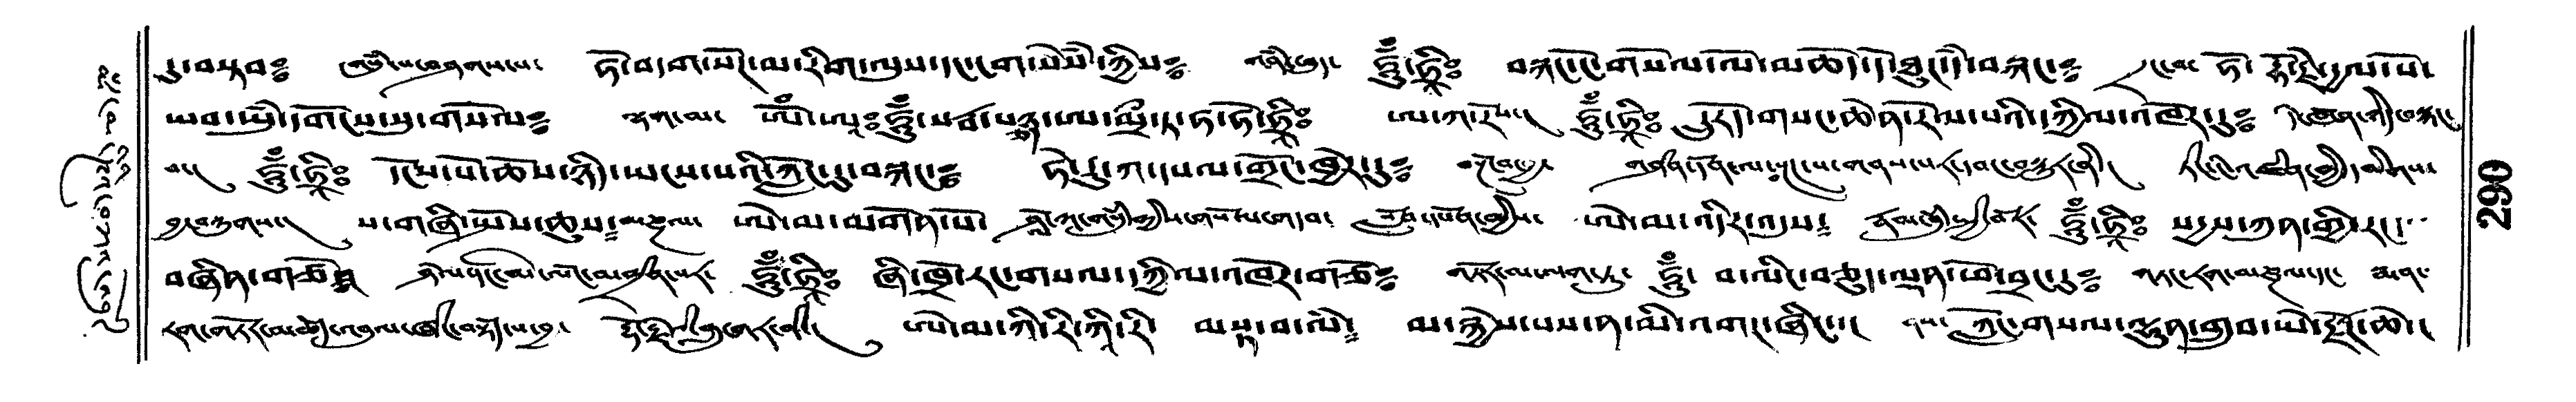དུ་བསྟབ༔ གསུམ་པ་བཤགས་པ། ཧོ༔ བདག་སོགས་མ་རིག་ལུས་དང་ངག་སེམས་ཀྱིས༔ གནམ་ཕུད། ཧཱུྃ་ཧྲཱི༔ བསྐང་ངོ་གསོལ་ལོ་མཆོད་དོ་ཐུགས་དམ་བསྐང༔ དྲང་བ། ཧོཿརྡོ་རྗེ་རྒྱལ་པོ་
ཡབ་ཡུམ་དགོངས་སུ་གསོལ༔ ལྷག་མ། ཨོཾ་ཨཱཿཧཱུྃ་སརྦ་པཉྩ་ཨ་མྲྀ་ཏ་ཧ་ཧོ་ཧྲཱི༔ ཨ་ཀ་ར ོས། ཧཱུྃཿཧྲཱི༔ དུར་ཁྲོད་གསང་ཆེན་རོལ་པའི་དཀྱིལ་འཁོར་དུ༔ དེ་ཁོ་ན་ཉིད་ཀྱི་བསྐང་
བ། ཧཱུྃ་ཧྲཱི༔ དངོས་པོ་ཆོས་ཉིད་ཡངས་པའི་ཀློང་དུ་བསྐང༔ ཧེ་རུ་ཀ་དཔལ་གྲོང་ཁྱེར་དུ༔ བསྔོ་བ་བྱ། གཤིན་དོན་ལ་བསྔགས་པ་གནས་པར་དབང་བསྐུར་ནི། ཏིང་ངེ་འཛིན་གྱིས་དམིགས་
བྱ་བཀུག ས་གཞི་སྤོས་ཆུས༴ མཎྜལ། ཨེ་མ་མགོན་པོ༴ ཤླཽ་ཀ་གསུམ་གྱིས་གསོལ་གདབ། སློབ་དཔོན་གྱིས། ཨེ་མ་འདིར་འདུས༴ རྣམས་བུམ་སྤྱི་བོར། ས ཧཱུྃ་ཧྲཱི༔ སངས་རྒྱས་ཀུན་གྱི་རང་
བཞིན་གཙོ༴ ཤེལ་དང་མེ་ལོང་མགྲིན་པར། ཧཱུྃ་ཧྲཱི༔ ཞི་ཁྲོ་རང་གསལ་དཀྱིལ་འཁོར་གཙོ༔ གཏོར་མ་ལག་ཏུ། ཧཱུྃ༔ བ་ལིང་བཅུད་ལྡན་ཕོ་བྲང་དུ༔ གཏང་རག་མཎྜལ་དང་། སྨན་
རག་གཏོར་མཆོད་འབུལ་ཞིང་བསྟོད་པ་བྱ། རྡོ་རྗེའི་གླུ་གར་ནི། ཨེ་མ་ཀི་རི་ཀཱི་རི། མསྟ་བ་ལི༴ མ་སྐྱེས་པས་ན་མི་འགགས་ཞིང་། ནས། ཀློང་གསལ་ལྷུན་གྲུབ་ཡེ་རྫོགས་ཆེ།